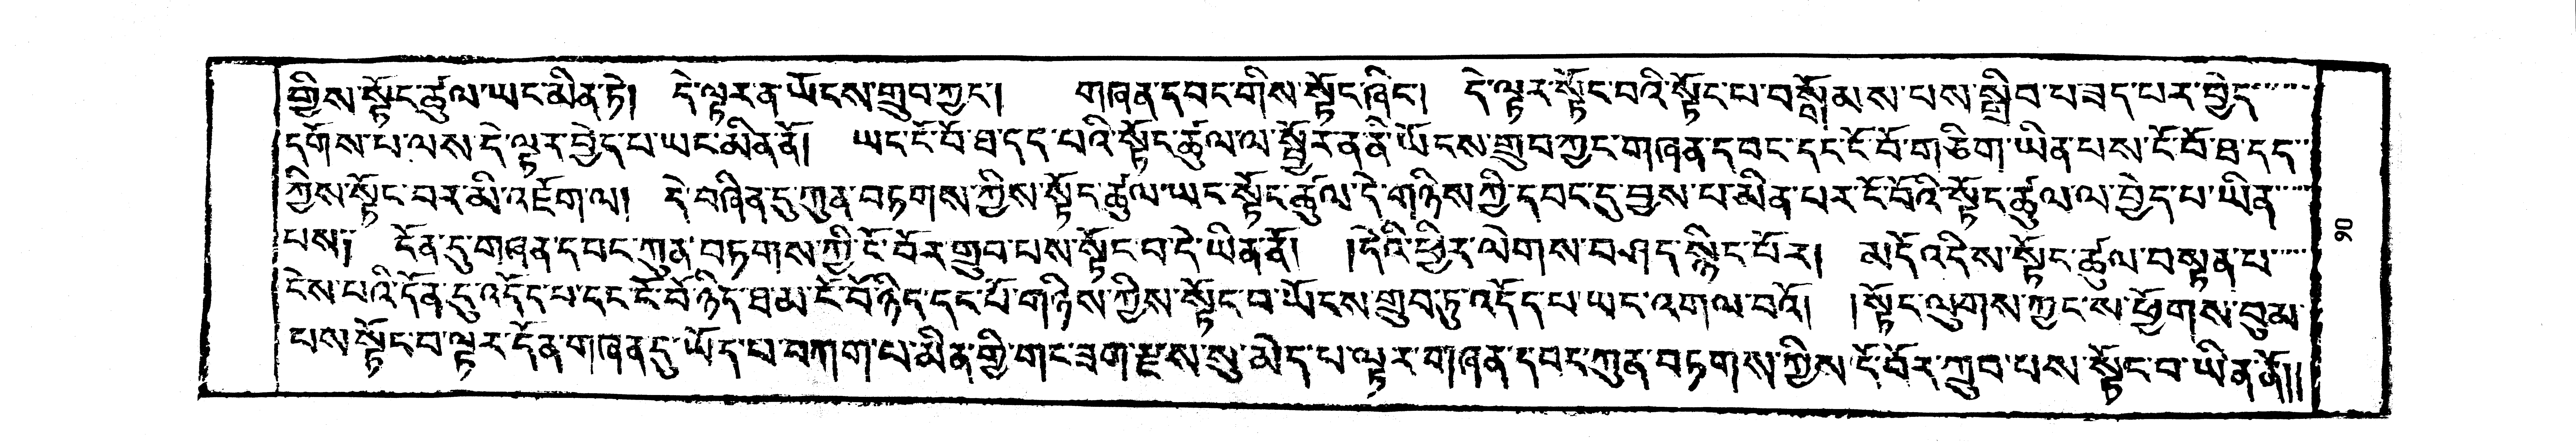གྱིས་སྟོང་ཚུལ་ཡང་མིན་ཏེ། དེ་ལྟར་ན་ཡོངས་གྲུབ་ཀྱང་། གཞན་དབང་གིས་སྟོང་ཞིང་། དེ་ལྟར་སྟོང་པའི་སྟོང་པ་བསྒོམས་པས་སྒྲིབ་པ་ཟད་པར་བྱེད་
དགོས་པ་ལས་དེ་ལྟར་བྱེད་པ་ཡང་མིན་ནོ། ཡང་ངོ་བོ་ཐ་དད་པའི་སྟོང་ཚུལ་ལ་སྦྱོར་ན་ནི་ཡོངས་གྲུབ་ཀྱང་གཞན་དབང་དང་ངོ་བོ་གཅིག་ཡིན་པས་ངོ་བོ་ཐ་དད་
ཀྱིས་སྟོང་པར་མི་འཇོག་ལ། དེ་བཞིན་དུ་ཀུན་བཏགས་ཀྱིས་སྟོང་ཚུལ་ཡང་སྟོང་ཚུལ་དེ་གཉིས་ཀྱི་དབང་དུ་བྱས་པ་མིན་པར་ངོ་བོའི་སྟོང་ཚུལ་ལ་བྱེད་པ་ཡིན་
པས། དོན་དུ་གཞན་དབང་ཀུན་བཏགས་ཀྱི་ངོ་བོར་གྲུབ་པས་སྟོང་པ་དེ་ཡིན་ནོ། །དེའི་ཕྱིར་ལེགས་བཤད་སྙིང་པོར། མདོ་འདིས་སྟོང་ཚུལ་བསྟན་པ་
ངེས་པའི་དོན་དུ་འདོད་པ་དང་ངོ་བོ་ཉིད་ཐ་མ་ངོ་བོ་ཉིད་དང་པོ་གཉིས་ཀྱིས་སྟོང་པ་ཡོངས་གྲུབ་ཏུ་འདོད་པ་ཡང་འགལ་བའོ། །སྟོང་ལུགས་ཀྱང་ས་ཕྱོགས་བུམ་
པས་སྟོང་པ་ལྟར་དོན་གཞན་དུ་ཡོད་པ་བཀག་པ་མིན་གྱི་གང་ཟག་རྫས་སུ་མེད་པ་ལྟར་གཞན་དབང་ཀུན་བཏགས་ཀྱིས་ངོ་བོར་གྲུབ་པས་སྟོང་པ་ཡིན་ནོ།།